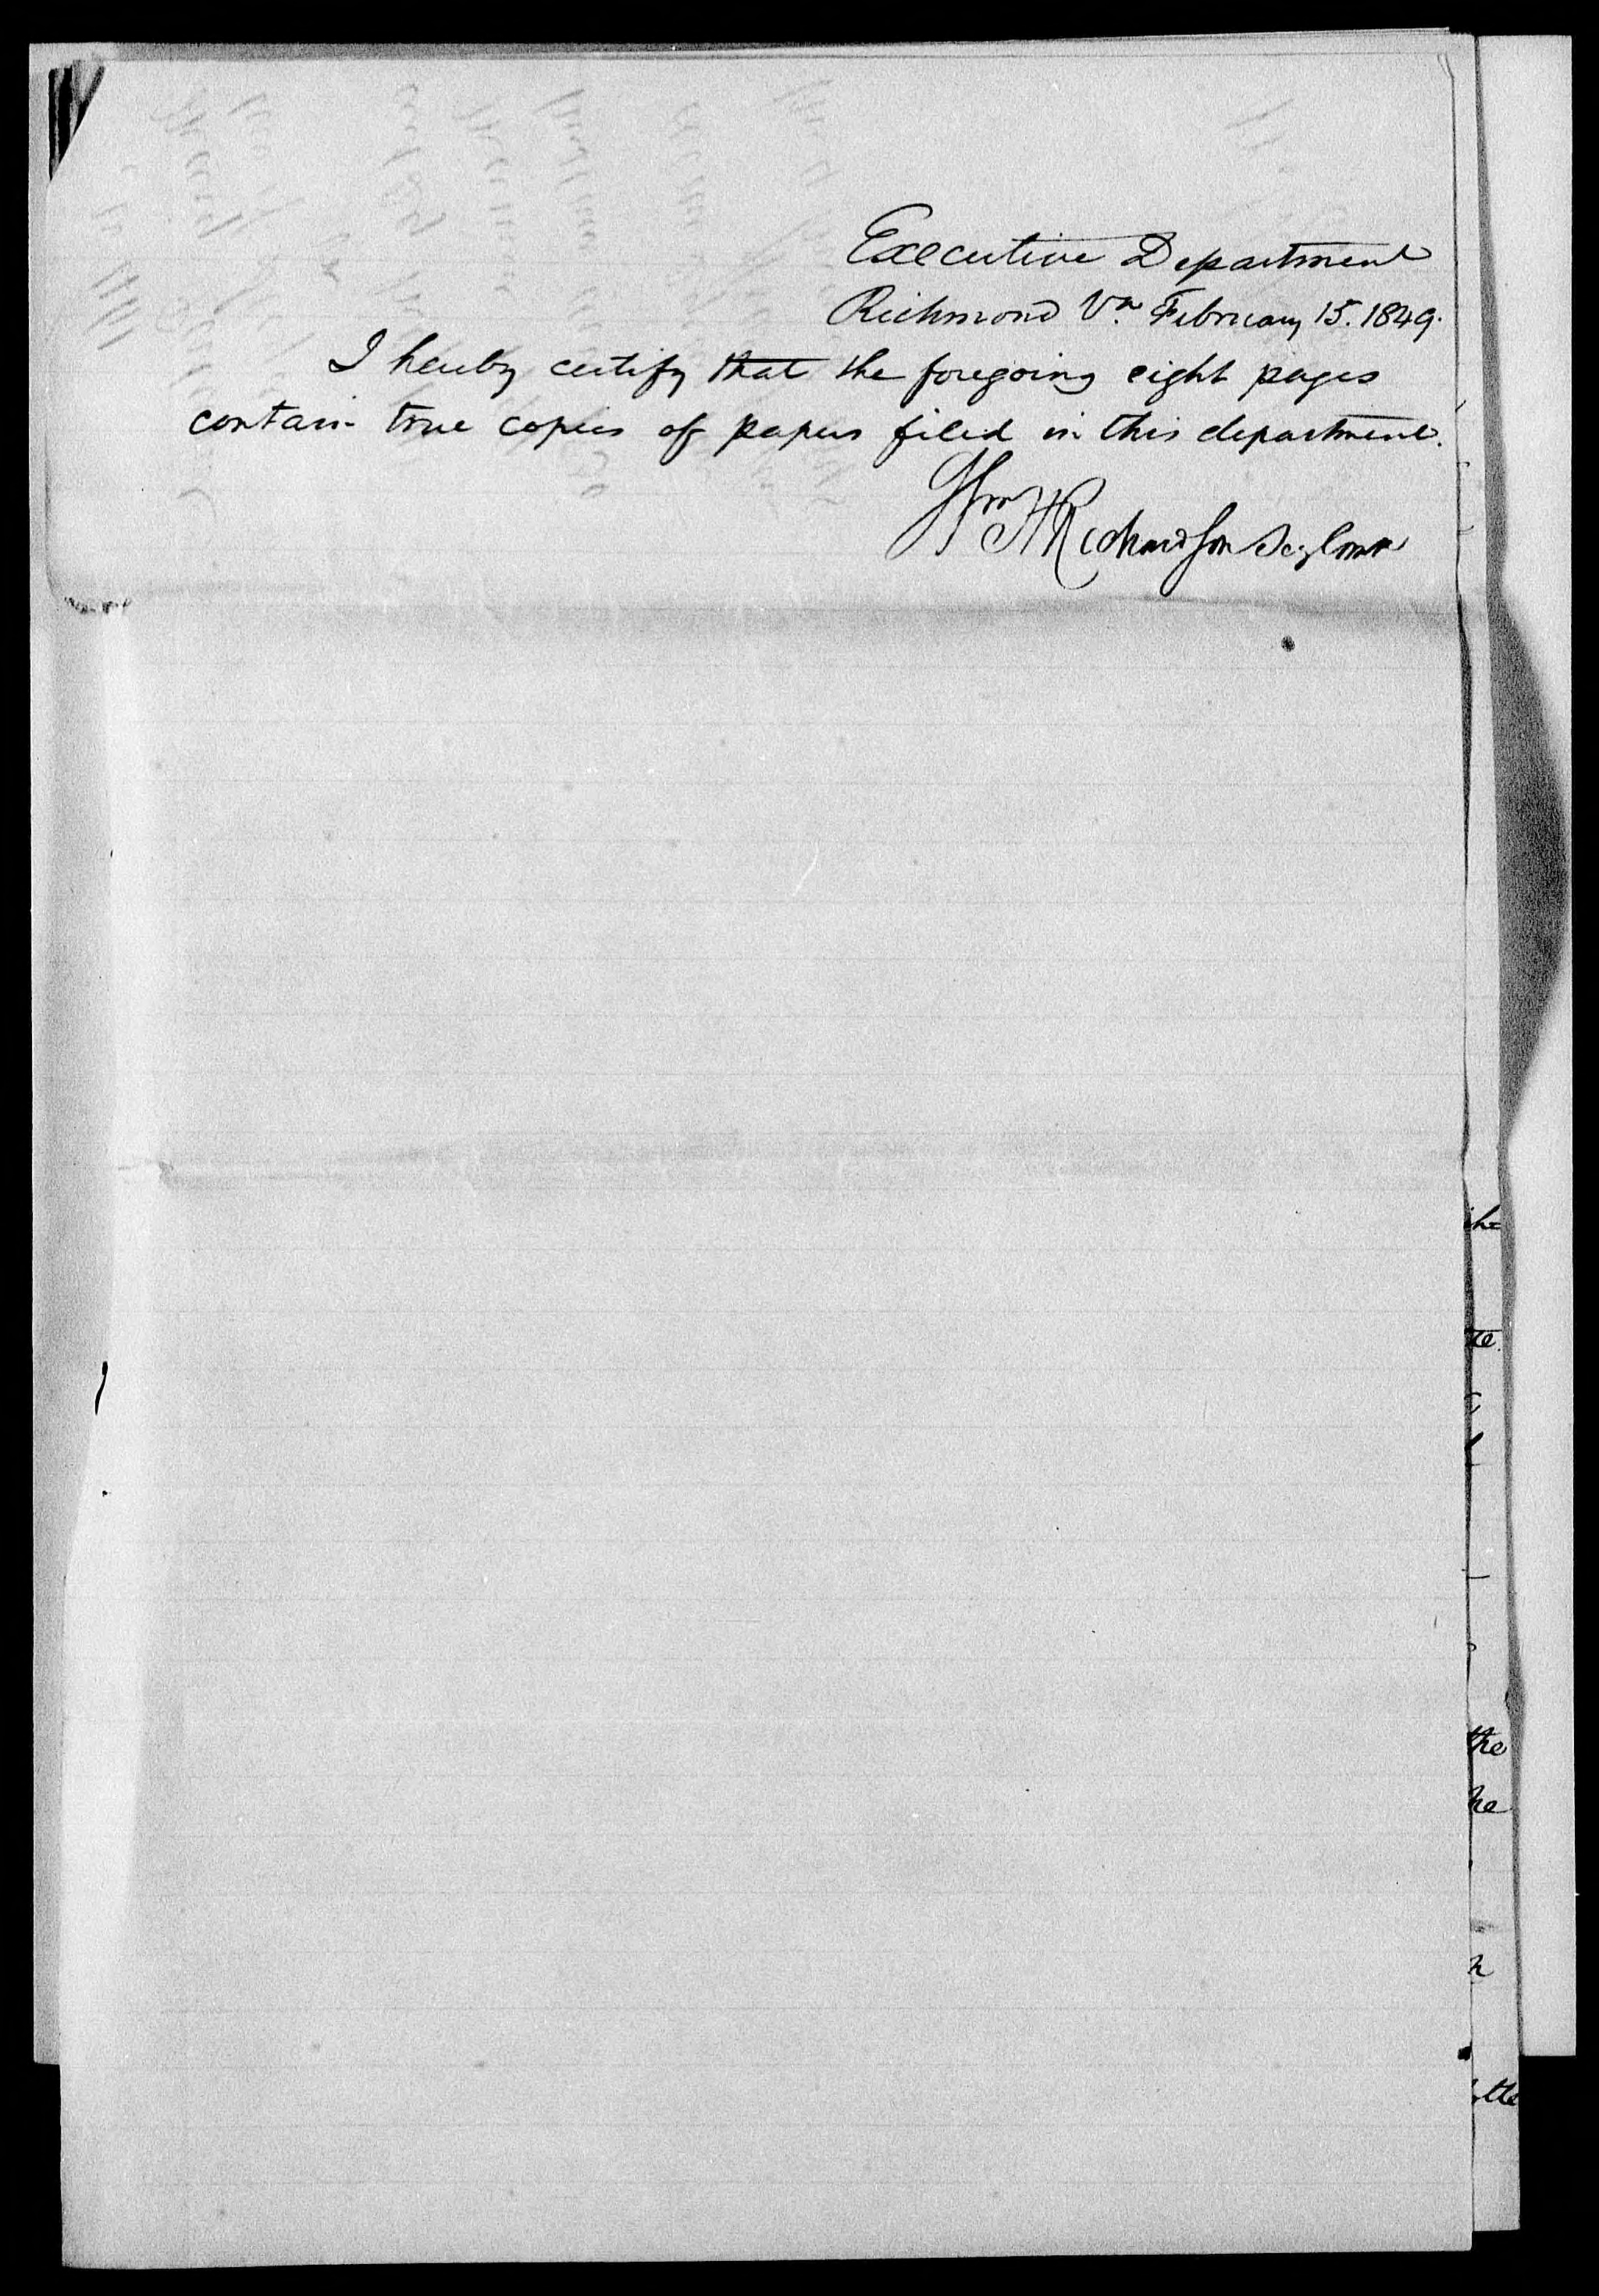| Executive Department
| Richmond Va. February 15. 1849
I hereby certify that the foregoing eight pages
contain true copies of papers filed in this department.
| Wm H Richardson Dep Comr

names: Wm H Richardson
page: 50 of 50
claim: widow's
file: W. 1929, for Lloyd Portwood, Virginia